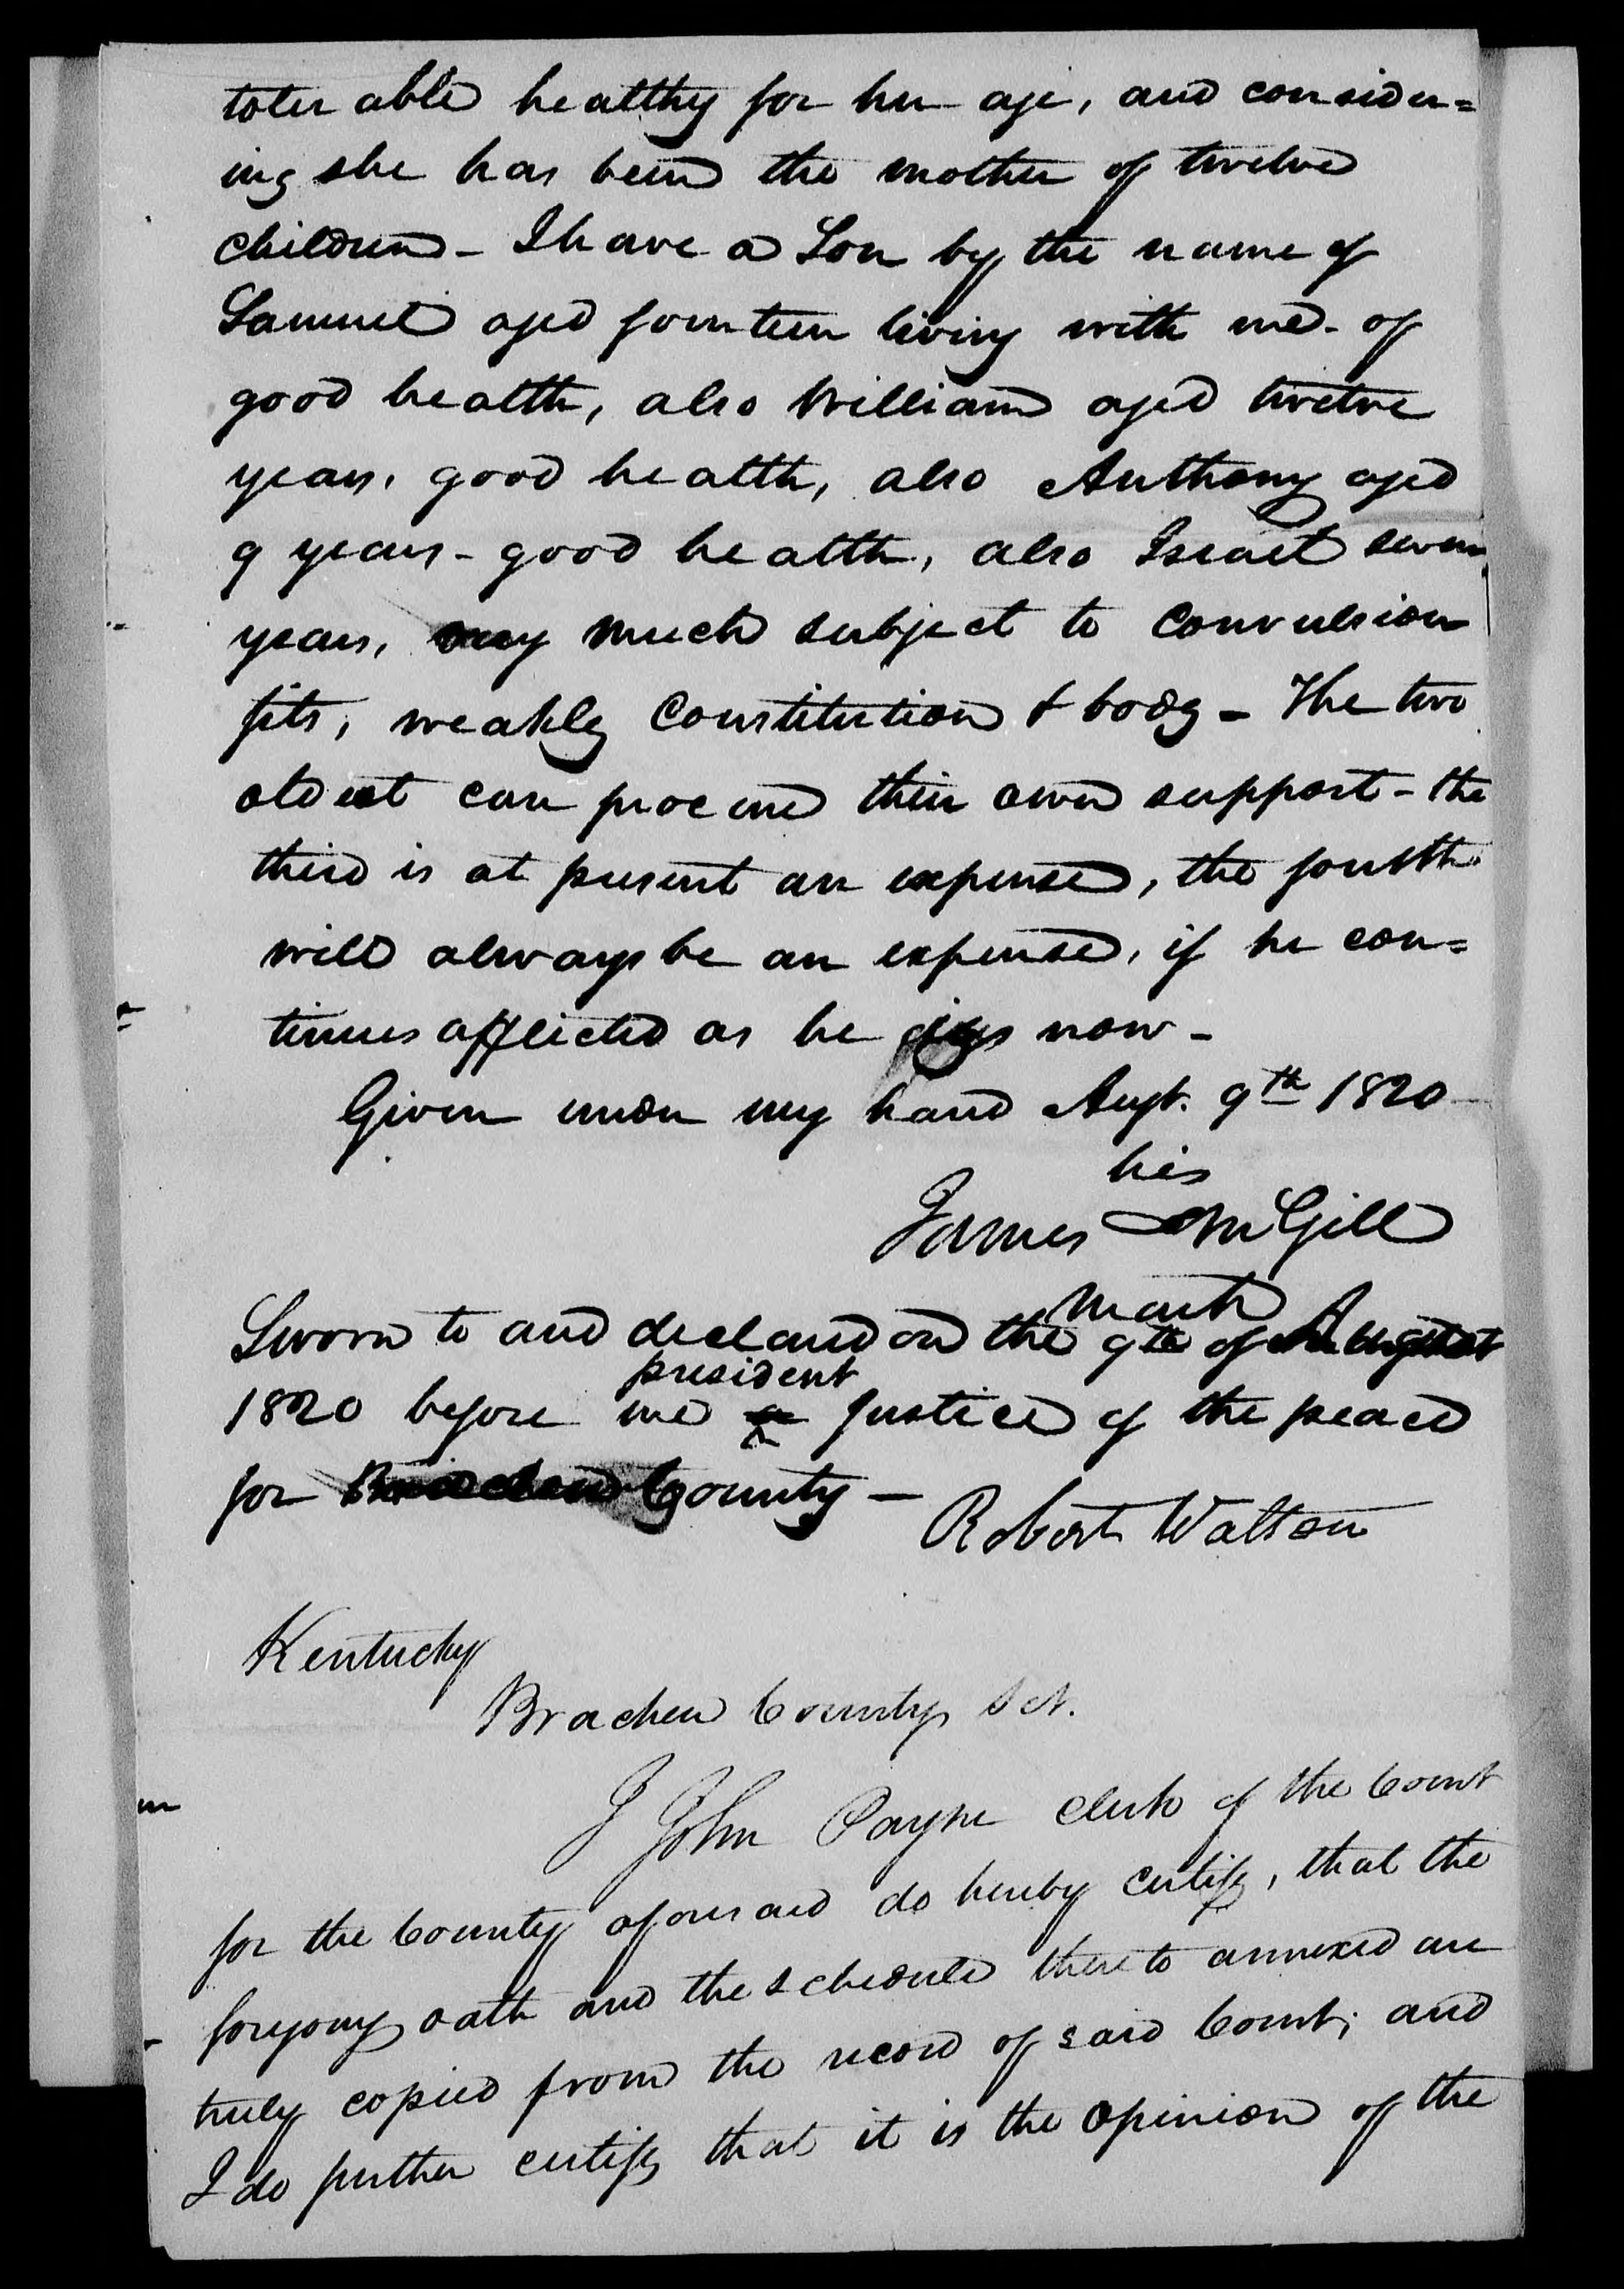image 66  (# 4160873_00066)         
Fold3 File #23857233
[continued from image 65]

tolerable healthy for her age, and considering she has been the mother of twelve children - I have a son by the name of Samuel aged fourteen living with me - of good health, also William aged twelve years, good health, also Anthony, aged nine years, good health, also Israel, seven years, much subject to convulsion fits, weakly constitution & body -  The two oldest can procure their own support - the third is at present an expense, the fourth will always be an expense, if he continues afflicted as he is now --
Given under my hand Augt. 9th 1820.       James McGill [his mark]

Sworn to and declared on the 9th of August 1820 before me, President Justice of the Peace for Bracken County.        - Robert Walton

Kentucky  Bracken County Sct
I John Payne clerk of the court for the county of [Bracken] do hereby certify, that the foregoing oath and the schedule thereto annexed are truly copied from the record of said court; and I do further certify that it is the opinion of the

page: 9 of 71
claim: widow's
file: W. 8428, for James Mc Gill, Pennsylvania